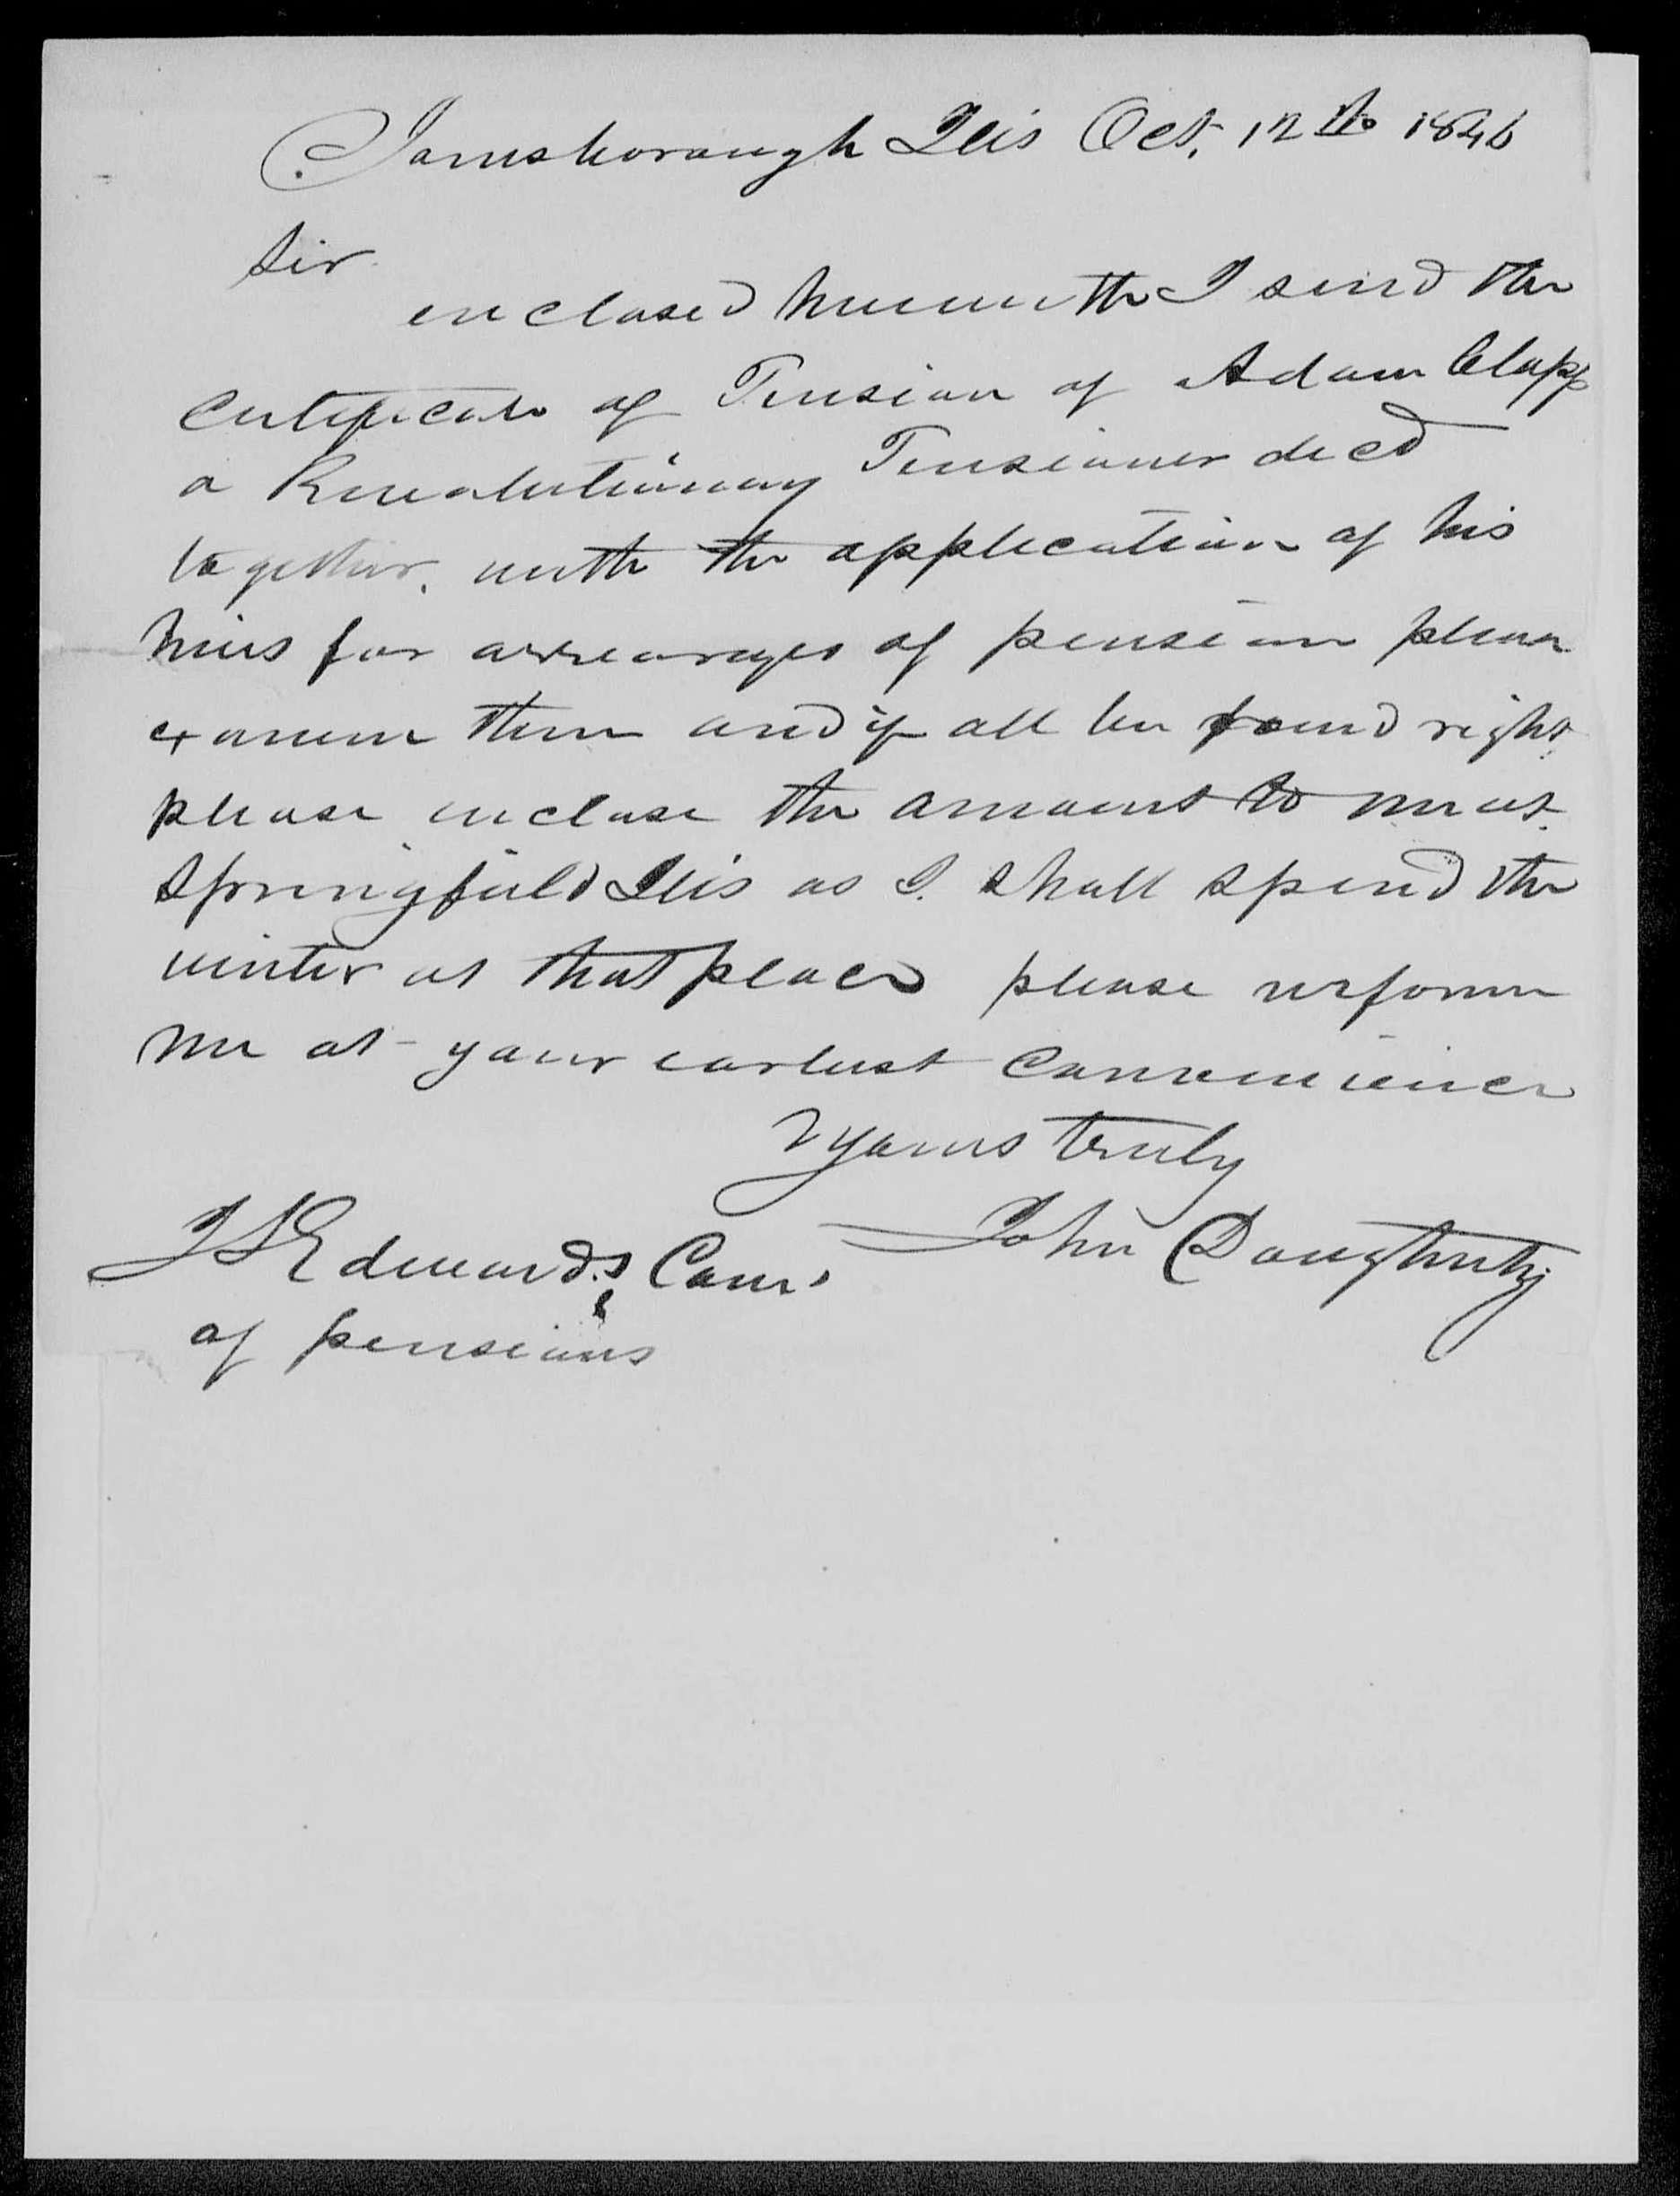Jonesborough Ilis [Illinois] Oct. 12th 1846
Sir
enclosed herewith I send the
Certificate of Pension of Adam Clapp
a Revolutionary Pensioner decd
together with the application of his
heirs for arrearages of pension [illegible]
examine them and if all be found right
please enclose the amount to me at
Springfield Ilis as I shall spend the
winter at that place please inform
me at your earliest convenience
yours truly
John Doughty

JL Edwards Com
of pensions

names: John Daugherty, Adam Clapp, J L Edwards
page: 18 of 23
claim: survivor's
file: S. 30,937, Adam Clapp, N.C.